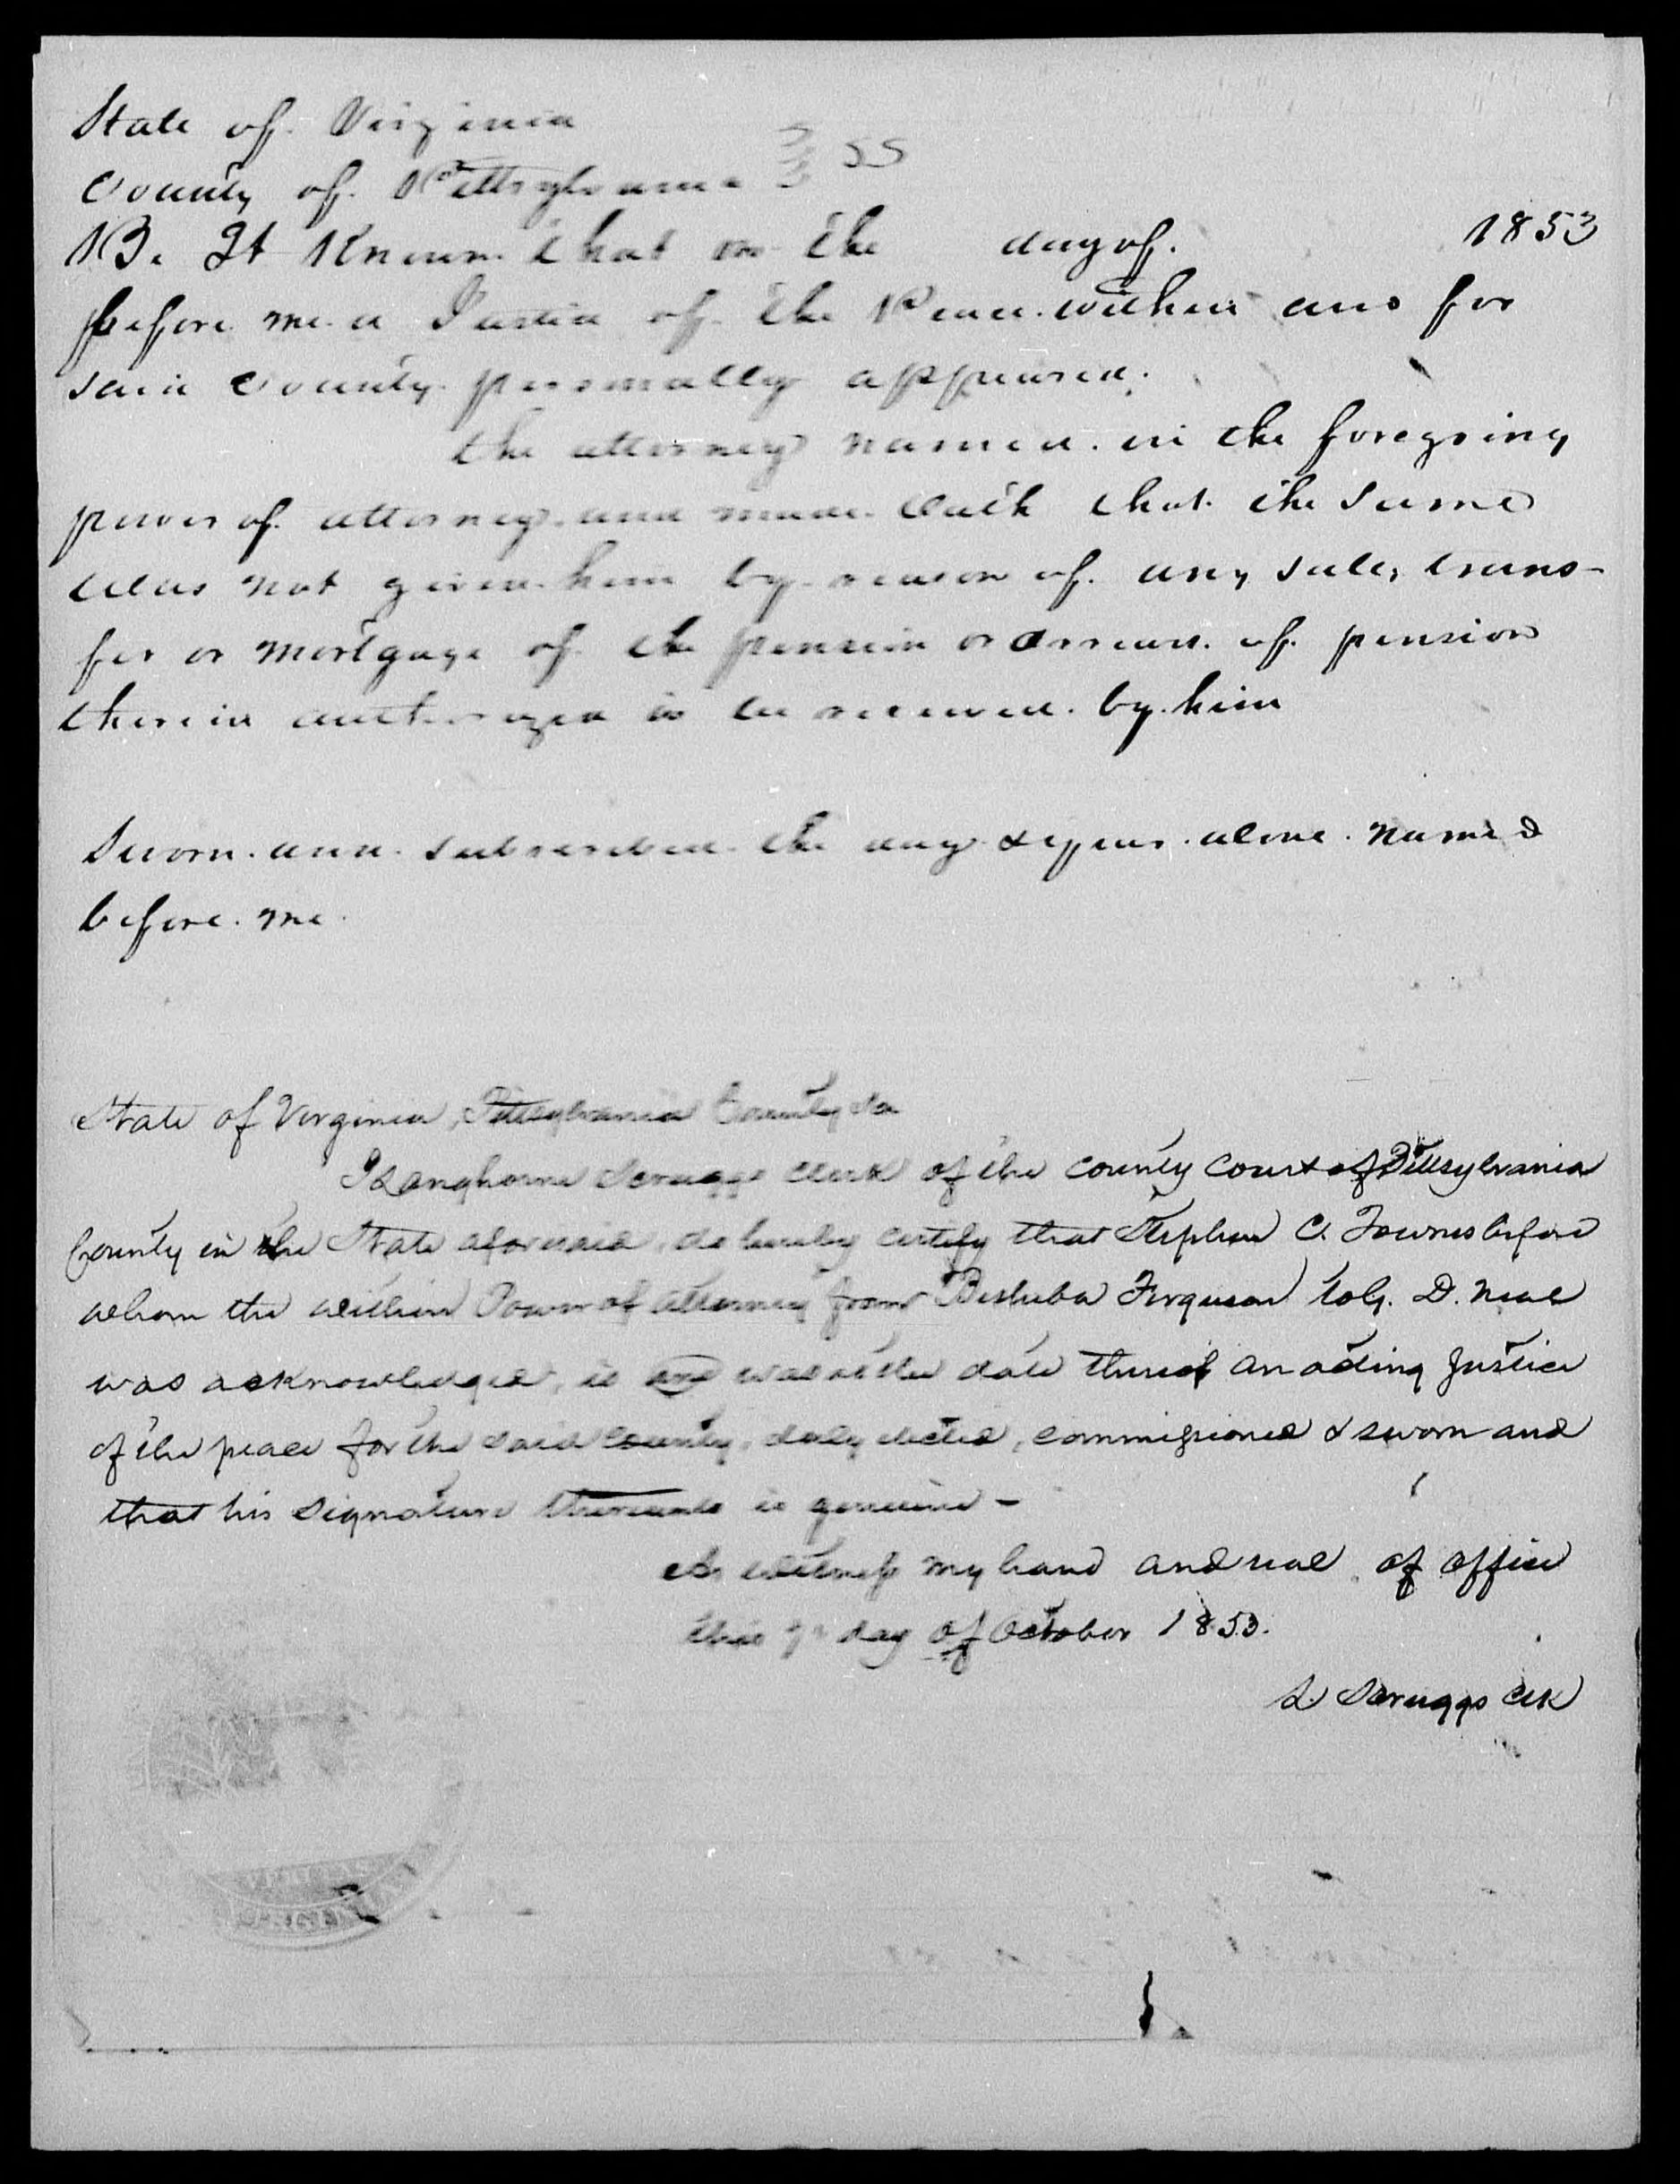State of Virginia
County of Pittsylvania SS

Be It Known that on the __________ day of _____ 1853 before me a Justice of the Peace within and for said county personally appeared.

the attorney named in the foregoing
power of attorney and made oath that the same was not given him by reason of any sale, transfer or mortgage of the pension or arrears of pension therein authorized is be received by him

Sworn and subscribed the day & year above named before me

State of Virginia, Pittsylvania County (Illegible)

I Langhorne Scruggs clerk of the county court of Pittsylvania County in the State aforesaid, do hereby certify that Stephen C. Townes before whom the within Power of Attorney from Besheba Ferguson to G. D. Neal
was acknowledged, is and was after date thereof an acting Justice
of the peace for the said county, duly elected, commissioned & sworn and
that his signature thereunto is genuine

As witness my hand and seal of office
this (illegible) day of October 1853

L Scruggs clk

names: Stephen C Townes, L Scruggs, Besheba Ferguson, G D Neal, Langhorne Scrugg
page: 73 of 81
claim: widow's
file: W. 7262, Robert Ferguson, Va.